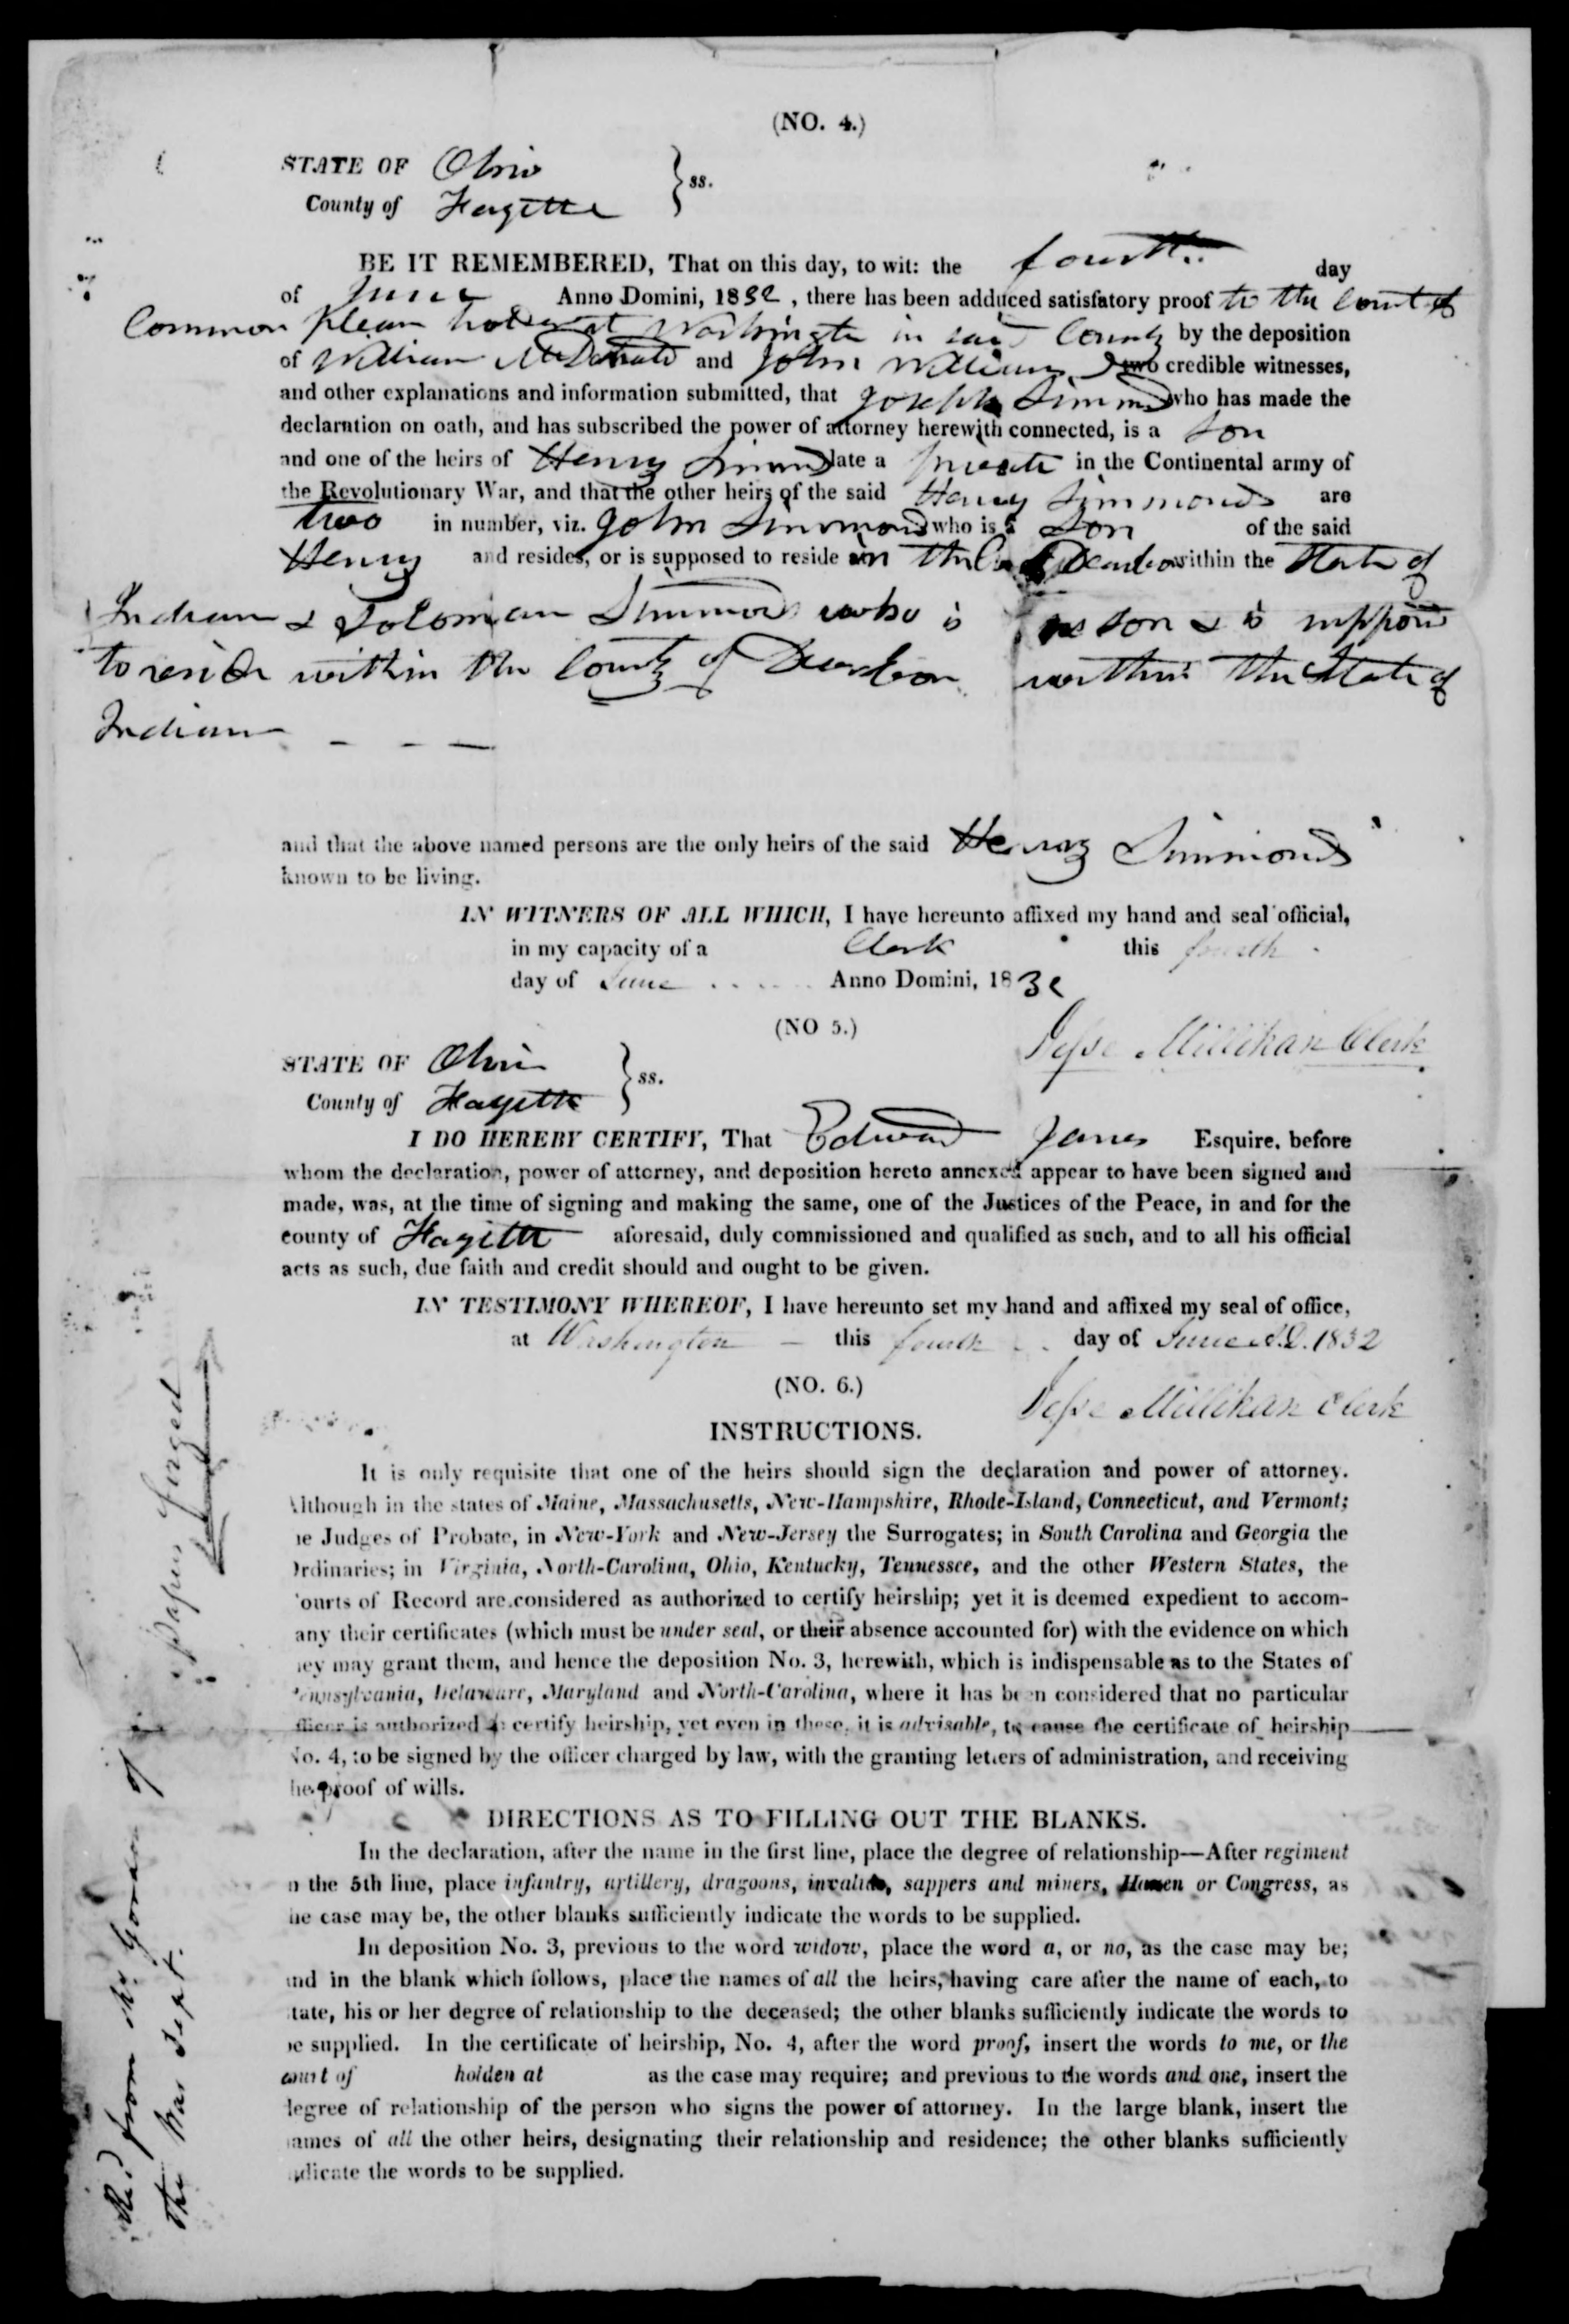(No. 4. ) 
STATE OF Ohio 
County of Fayette SS}   
BE IT REMEMBERED, That on this day, to wit: the fourth of June day Anno Domini, 1832, there has been adduced satisfactory proof to the Court of Common Pleas holden at Washington in said County by the deposition of William McDonald and John Willams two credible witnesses, and other explanations and information submitted, that Joseph Simmonds who has made the declaration on oath, and has subscribed the power of attorney herewith connected, is a son and one of the heirs of Henry Simmonds late a private in the Continental army of the Revolutionary War, and that the other heirs of the said Henry Simmonds are two in number, viz. John Simmons his son of the said and resides is supposed to reside in the within the State of Indiana & Soloman Simmons who is his son & is supposed to reside within the County of Davidson within the State of Indiana   
and that the above named persons are the only heirs of the said Henry Simmonds known to be living.
IN WITNESS OF ALL WHICH, I have hereunto affixed my hand and seal official, in my capacity of a Clerk this fourth day of June Anno Domini, 1832
Jesse Millihan Clerk
(NO. 5)
STATE OF Ohio 
County of Fayette} SS  
DO HEREBY CERTIFY, That Edward Janes Esquire, before whom the declaration, power of attorney, and deposition hereto annexed appear to have been signed and made, was, at the time of signing and making the same, one of the Justices of the Peace, in and for the county of Fayette aforesaid, duly commissioned and qualified as such, and to all his official acts as such, due faith and credit should and ought to be given. 
IN TESTIMONY WHEREOF, I have hereunto set my hand and affixed my seal of office, at Washington this fourth day of June A.D. 1832
Jesse Millihan Clerk
 (No. 6. ) 
INSTRUCTIONS.  
It is only requisite that one of the heirs should sign the declaration and power of attorney. Although in the states of Maine, Massachusetts, New-Hampshire, Rhode-Island, Connecticut, and Vermont, the Judge of Probate, in New-York and New-Jersey the Surrogates; in South Carolina and Georgia the Ordinaries; in Virginia, North-Carolina, Ohio, Kentucky, Tennessee, and the other Western States, the Court of Record are considered as authorized to certify heirship; yet it is deemed expedient to accompany their certificates (which must be under seal, or their absence accounted for with the evidence on which ley may grant them, and hence the deposition No. 3, herewith, which is indispensable as to the States of Pennsylvania, Delaware, Maryland and North Carolina, where it has been considered that no particular office is authorized to certify heirship, yet even in these, it is advisable to cause the certificate of heirship No. 4, to be signed by the officer charged by law, with the granting letters of administration, and receiving he proof of wills. 
DIRECTIONS AS TO FILLING OUT THE BLANKS. 
In the declaration, after the name in the first line, place the degree of relationship -- After regiment the 5th line, place infantry, artillery, dragoons, invalid, sappers and miners Homen or Congress, as the case may be, the other blanks sufficiently indicate the words to be supplied. In deposition No. 3, previous to the word widow, place the word or no, as the case may be; and in the blank which follows, place the names of all the heirs, having care after the name of each, to tate, his or her degree of relationship to the deceased; the other blanks sufficiently indicate the words to be supplied. In the certificate of heirship, No. 4, after the word proof, insert the words to me, or the court of holden at as the case may require; and previous to the words and one, insert the degree of relationship of the person who signs the power of attorney. In the large blank, insert the names of all the other heirs, designating their relationship and residence; the other blanks sufficiently indicate the words to be supplied.
Rec’d from Mr. Gordon of the War Dept.  Papers forged.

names: John Williams; Henry Simmonds; William Mc Donald; Henry Simonds; Soloman Simmonds; Joseph Simmonds; Edward Jones; Henry [BLANK]; Jesse Millehan; Jesse Millehan; John Simmond; Henry Simmonds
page: 4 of 6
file: B. L. Rej., for Henry Simmonds, Pennsylvania